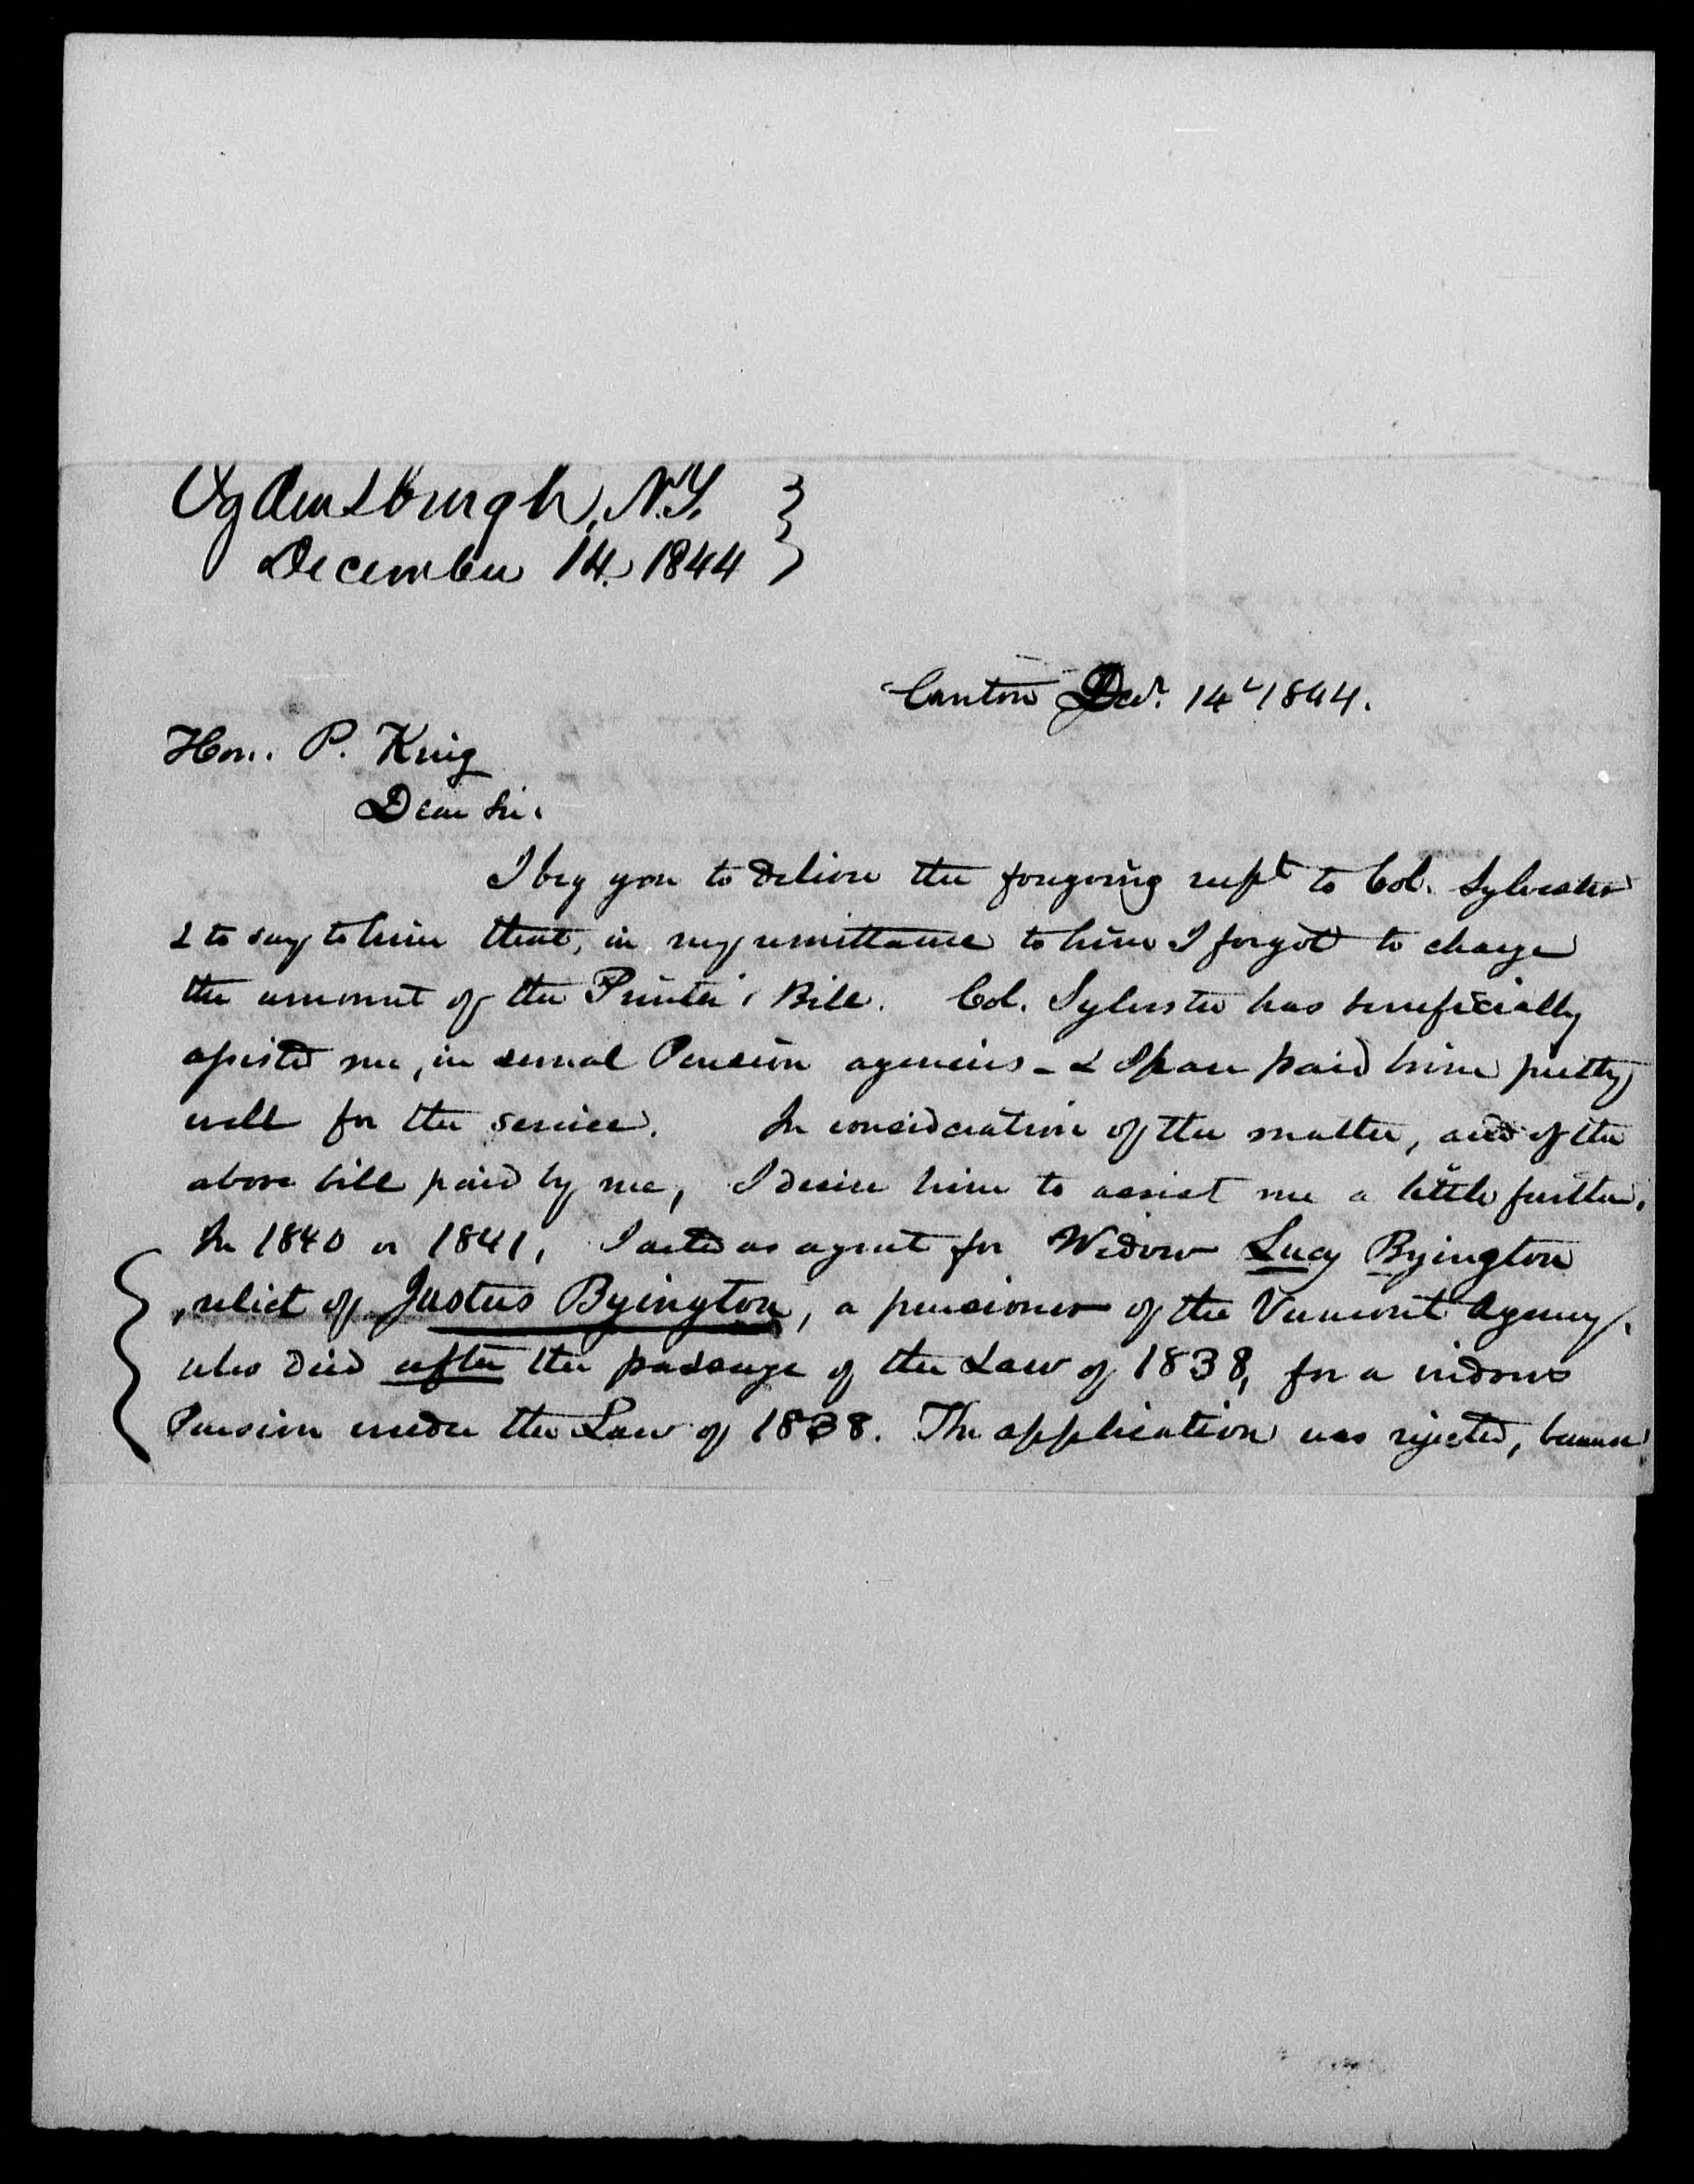Ogdensburgh, N.Y.}
December 14, 1844

Canton  Dec. 14, 1844

Hon. P. King
Dear Sir,

I beg you to deliver the foregoing (receipt) to Col. Sylvester & to say to him that, in my remittance to him I forgot to change the amount of the Pensioner's Bill. Col. Sylvester has beneficially assisted me, in several Pension agencies. & I have paid him pretty well for the service. In consideration of the matter, and of the above bill paid by me, I desire him to assist me a little further. In 1840 or 1841, I acted as agent for Widow Lucy Byington (illegible) of Justus Byington, a pensioner of the Vermont Agency, who died after the passage of the Law of 1838 for a widow pension under the Law of 1838. The application was rejected, because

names: Sylvester, Justus Byington, Sylvester, P King, Lucy Byington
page: 44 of 79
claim: widow's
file: W. 23754, Justus Byington, Conn.